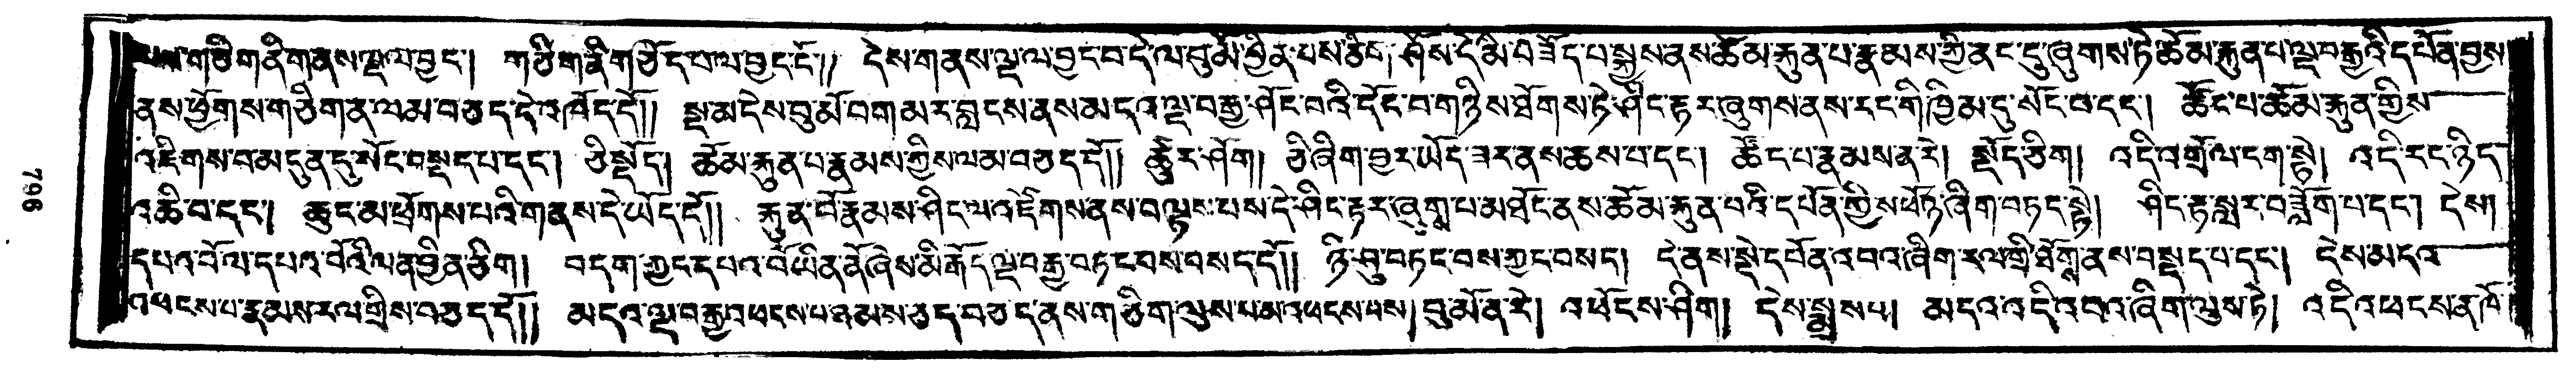པས་གཅིག་ནི་གནས་ལྔལ་བྱང་། གཅིག་ནི་གཅོད་པ་ལ་བྱང་ངོ།། དེས་གནས་ལྔ་ལ་བྱང་བ་དེ་ལ་བུ་མོ་བྱིན་པས་ཅིག་ཤོས་དེ་མི་བཟོད་པ་སྐྱེས་ནས་ཆོམ་རྐུན་པ་རྣམས་ཀྱི་ནང་དུ་ཞུགས་ཏེ་ཆོམ་རྐུན་པ་ལྔ་བརྒྱའི་དཔོན་བྱས་
ནས་ཕྱོགས་གཅིག་ན་ལམ་བཅད་དེ་འཁོད་དོ།། སྔ་མ་དེས་བུ་མོ་བག་མར་བླངས་ནས་མདའ་ལྔ་བརྒྱ་ཤོང་བའི་དོང་བ་གཉིས་ཐོགས་ཏེ་ཤིང་རྟར་ཞུགས་ནས་རང་གི་ཁྱིམ་དུ་སོང་བ་དང་། ཚོང་པ་ཆོམ་རྐུན་གྱིས་
འཇིགས་པ་མདུན་དུ་སོང་བསྡད་པ་དང་། ཅི་སྡོད། ཆོམ་རྐུན་པ་རྣམས་ཀྱིས་ལམ་བཅད་དོ།། ཚུར་ཤོག། ཅི་ཞིག་བྱར་ཡོད་ཟར་ནས་ཆས་པ་དང་། ཚོང་པ་རྣམས་ན་རེ། སྡོད་ཅིག། འདི་འགྲོལ་ངག་སྟེ། འདི་རང་ཉིད་
འཆི་བ་དང་། ཆུང་མ་ཕྲོགས་པའི་གནས་དེ་ཡོད་དོ།། རྐུན་པོ་རྣམས་ཤིང་ལ་འཛེགས་ནས་བལྟས་པས་དེ་ཤིང་རྟར་ཞུགས་པ་མཐོང་ནས་ཆོམ་རྐུན་པའི་དཔོན་ཀྱིས་ཕོ་ཉ་ཞིག་བཏང་སྟེ། ཤིང་རྟ་སླར་བཟློག་པ་དང་། དེས།
དཔའ་བོ་ལ་དཔའ་བོའི་ལན་བྱིན་ཅིག། བདག་ཀྱང་དཔའ་བོ་ཡིན་ནོ་ཞེས་མི་རྒོད་ལྔ་བརྒྱ་བཏང་བས་བསད་དོ།། ཉི་ཤུ་བཏང་བས་ཀྱང་བསད། དེ་ནས་སྡེ་དཔོན་འབའ་ཞིག་རལ་གྲི་ཐོགས་ནས་བསྡད་པ་དང་། དེས་མངའ་
འཕངས་པ་རྣམས་རལ་གྲིས་བཅད་དོ།། མདའ་ལྔ་བརྒྱ་འཕངས་པ་ཐམས་ཅད་བཅད་ནས་གཅིག་ལུས་པ་མ་འཕངས་པས། བུ་མོ་ན་རེ། འཕོངས་ཤིག། དེས་སྨྲས་པ། མངའ་འདི་འབའ་ཞིག་ལུས་ཏེ། འདི་འཕངས་ན་ཁོ་